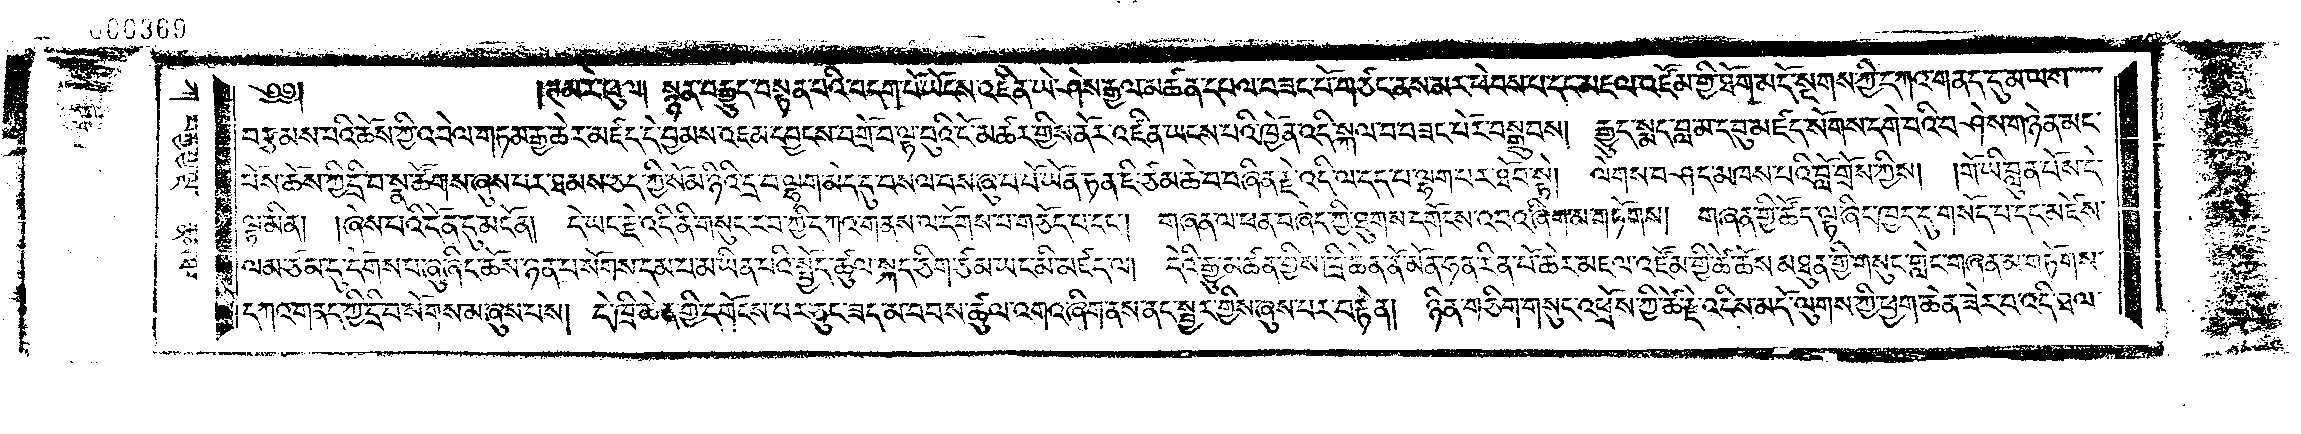༄༅། །ཊམ་རེ་ཕུལ། སྙན་བརྒྱུད་བསྟན་པའི་བདག་པོ་ཡོངས་འཛིན་ཡེ་ཤེས་རྒྱལ་མཚན་དཔལ་བཟང་པོ་གཙང་ནས་མར་ཕེབས་པ་དང་མཇལ་འཛོམ་གྱི་ཐོག་མདོ་སྔགས་ཀྱི་དཀའ་གནད་དུ་མ་ལས་
བརྩམས་པའི་ཆོས་ཀྱི་འབེལ་གཏམ་རྒྱ་ཆེར་མཛད་དེ་བྱམས་འཇམ་དབྱངས་བགྲོ་བ་ལྟ་བུའི་ངོ་མཚར་གྱིས་ནོར་འཛིན་ཡངས་པའི་ཁྱོན་འདི་སྐལ་བ་བཟང་པོར་བསྒྲུབས། རྒྱུད་སྨད་བླ་མ་དབུ་མཛད་སོགས་དགེ་བའི་བཤེས་གཉེན་མང་
པོས་ཆོས་ཀྱི་དྲི་བ་སྣ་ཚོགས་ཞུས་པར་ཐམས་ཅད་ཀྱི་སོམ་ཉིའི་དྲ་བ་ལྷག་མེད་དུ་བསལ་བས་ཞུ་བ་པོ་ཡོན་ཏན་ཇི་ཙམ་ཆེ་བ་བཞིན་རྗེ་འདི་ལ་དད་པ་ལྷག་པར་ཐོབ་སྟེ། ལེགས་བཤད་མཁས་པའི་བློ་གྲོས་ཀྱིས། །གོ་ཡི་བླུན་པོས་དེ་
ལྟ་མིན། །ཞེས་པའི་དོན་དུ་མངོན། དེ་ཡང་རྗེ་འདི་ནི་གསུང་རབ་ཀྱི་དཀའ་གནས་ལ་དོགས་པ་གཅོད་པ་དང་། གཞན་ལ་ཕན་བཞེད་ཀྱི་ཐུགས་དགོངས་འབའ་ཞིག་མ་གཏོགས། གཞན་གྱི་ཚོད་ལྟ་ཞིང་ཁྱད་དུ་གསོད་པ་དང་མཛེས་
ལམ་ཙམ་དུ་དོགས་པ་ཞུ་ཞིང་ཆོས་ཉན་པ་སོགས་དམ་པ་མ་ཡིན་པའི་སྤྱོད་ཚུལ་སྐད་ཅིག་ཙམ་ཡང་མི་མཛད་ལ། དེའི་རྒྱུ་མཚན་གྱིས་ཁྲི་ཆེན་ནོ་མོན་ཧན་རིན་པོ་ཆེར་མཇལ་འཛོམ་གྱི་ཚེ་ཆོས་མཐུན་གྱི་གསུང་གླེང་གཞན་མ་གཏོགས་
དཀའ་གནད་ཀྱི་དྲི་བ་སོགས་མ་ཞུས་པས། དེ་ཁྲི་ཆེན་གྱི་དགོངས་པར་ཅུང་ཟད་མ་བབས་ཚུལ་འགའ་ཞིག་ནས་ནང་སྦྱར་གྱིས་ཞུས་པར་བརྟེན། ཉིན་གཅིག་གསུང་འཕྲོས་ཀྱི་ཚེ་རྗེ་འདིས་མདོ་ལུགས་ཀྱི་ཕྱག་ཆེན་ཟེར་བ་འདི་ཐལ་